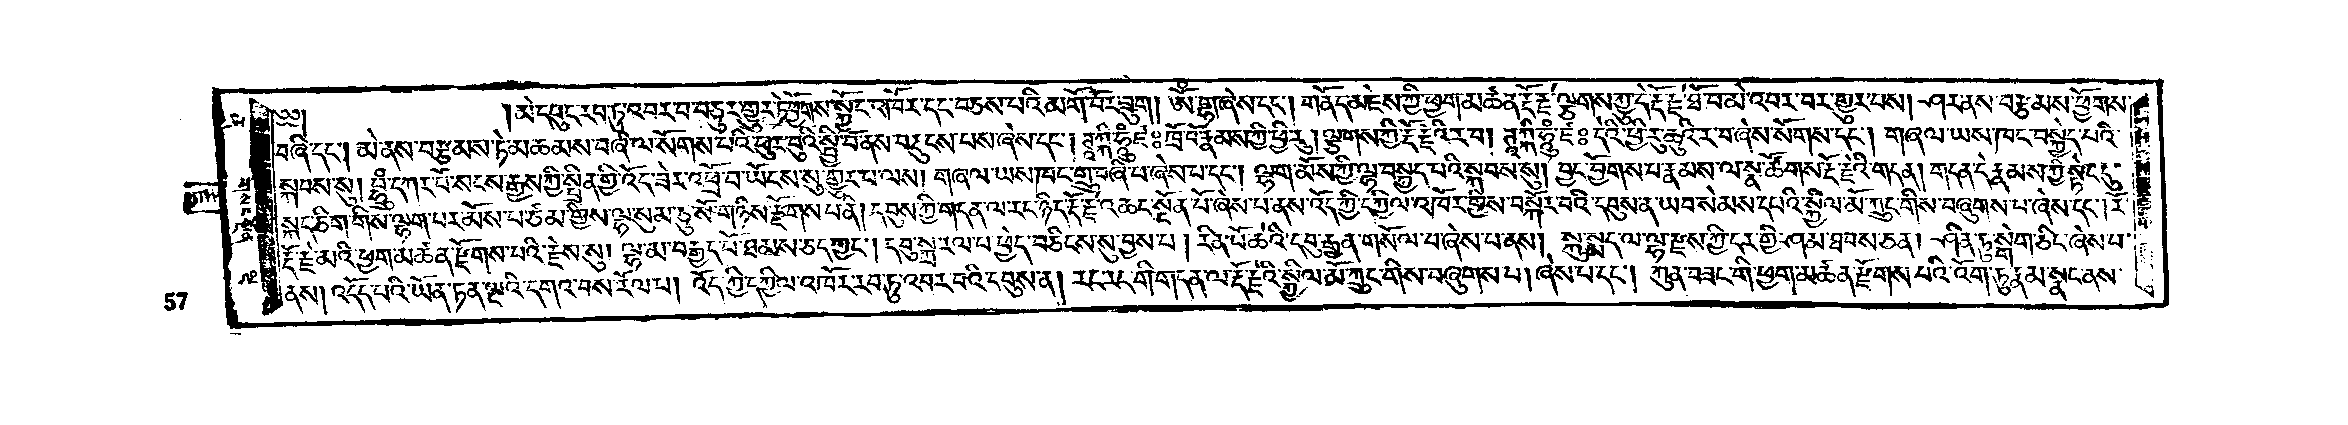༄༅། །མེ་དཔུང་རབ་ཏུ་འབར་བ་བཅུར་གྱུར་ཏེ་ཕྱོགས་སྐྱོང་འཁོར་དང་བཅས་པའི་མགོ་བོར་ཟུག །ཨོཾ་གྷ་ཞེས་དང་། གནོད་མཛེས་ཀྱི་ཕྱག་མཚན་རྡོ་རྗེ་ལྕགས་ཀྱུ་དེ་རྡོ་རྗེ་ཐོ་བ་མེ་འབར་བར་གྱུར་པས། ཤར་ནས་བརྩམས་ཕྱོགས་
བཞི་དང་། མེ་ནས་བརྩམས་ཏེ་མཚམས་བཞི་ལ་སོགས་པའི་ཕུར་བུའི་སྤྱི་བོ་ནས་བརྡུངས་པས་ཞེས་དང་། ཊཱིཀྐ་ཧཱུཾ་ཛཿ ཁྲོ་བོ་རྣམས་ཀྱི་ཕྱི་རུ། ལྕགས་ཀྱི་རྡོ་རྗེའི་ར་བ། ཊཱིཀྐ་ཧཱུཾ་ཛཿ དེའི་ཕྱི་རུ་ཆུའི་ར་བ་ཞེས་སོགས་དང་། གཞལ་ཡས་ཁང་བསྐྱེད་པའི་
སྐབས་སུ། བྷྲུཾ་དཀར་པོ་སངས་རྒྱས་ཀྱི་སྤྲིན་གྱི་འོད་ཟེར་འཕྲོ་བ་ཡོངས་སུ་གྱུར་པ་ལས། གཞལ་ཡས་ཁང་གྲུ་བཞི་པ་ཞེས་པ་དང་། ལྷག་མོས་ཀྱི་ལྷ་བསྐྱེད་པའི་སྐབས་སུ། བྱང་ཕྱོགས་པ་རྣམས་ལ་སྣ་ཚོགས་རྡོ་རྗེའི་གདན། གདན་དེ་རྣམས་ཀྱི་སྟེང་དུ་
སྐད་ཅིག་གིས་ལྷག་པར་མོས་པ་ཙམ་གྱིས་ལྷ་སུམ་ཅུ་སོ་གཉིས་རྫོགས་པ་ནི། དབུས་ཀྱི་གདན་ལ་རང་ཉིད་རྡོ་རྗེ་འཆང་སྔོན་པོ་ཞེས་པ་ནས་འོད་ཀྱི་དཀྱིལ་འཁོར་གྱིས་བསྐོར་བའི་དབུས་ན་ཡབ་སེམས་དཔའི་སྐྱིལ་མོ་ཀྲུང་གིས་བཞུགས་པ་ཞེས་དང་། རོ་
རྡོ་རྗེ་མའི་ཕྱག་མཚན་རྫོགས་པའི་རྗེས་སུ། ལྷ་མ་བརྒྱད་པོ་ཐམས་ཅད་ཀྱང་། དབུ་སྐྲ་རལ་པ་ཕྱེད་བཅིངས་སུ་བྱས་པ། རིན་པོ་ཆེའི་དབུ་རྒྱན་གསོལ་བ་ཞེས་པ་ནས། སྐུ་སྨད་ལ་ལྷ་རྫས་ཀྱི་དར་གྱི་ཤམ་ཐབས་ཅན། ཤིན་ཏུ་སྒེག་ཅིང་ཞེས་པ་
ནས། འདོད་པའི་ཡོན་ཏན་ལྔའི་དགའ་བས་རོལ་པ། འོད་ཀྱི་དཀྱིལ་འཁོར་རབ་ཏུ་འབར་བའི་དབུས་ན། རང་རང་གི་གདན་ལ་རྡོ་རྗེའི་སྐྱིལ་མོ་ཀྲུང་གིས་བཞུགས་པ། ཞེས་པ་དང་། ཀུན་བཟང་གི་ཕྱག་མཚན་རྫོགས་པའི་འོག་ཏུ་རྣམ་སྣང་ནས་